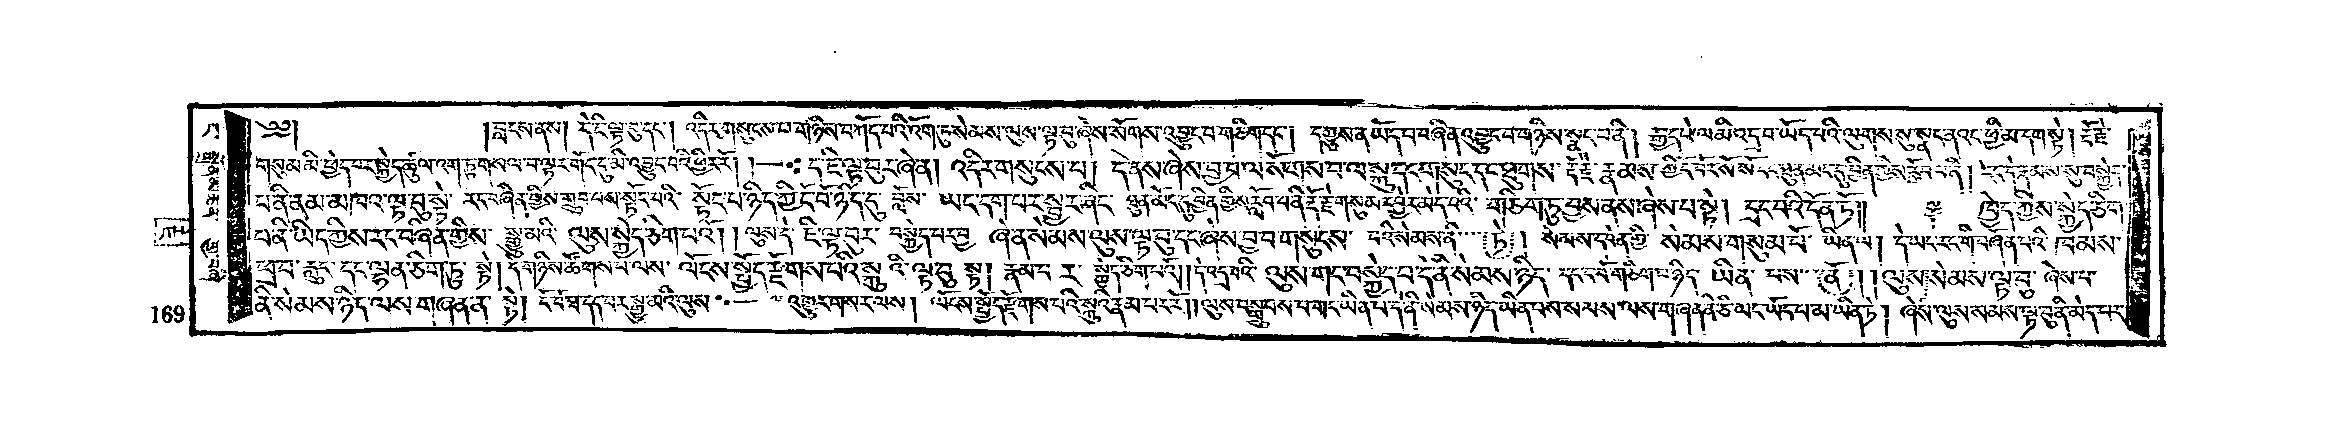༄༅། །བླངས་ནས། དེ་ཇི་ལྟ་བུ་དང་། འདིར་གསུངས་པ་གཉིས་བཀོད་པའི་འོག་ཏུ་སེམས་ལུས་ལྟ་བུ་ཞེས་སོགས་འབྱུང་བ་གཅིག་དང་། དཀྱུས་ན་ཡོད་པ་བཞིན་འབྱུང་བ་གཉིས་སྣང་བ་ནི། རྒྱ་དཔེ་ལ་མི་འདྲ་བ་ཡོད་པའི་ལུགས་སུ་སྣང་ནའང་ཕྱི་མ་དག་སྟེ། རྡོ་རྗེ་
གསུམ་མི་ཕྱེད་པར་སྐྱེད་ཚུལ་འོག་ཏུ་གསལ་བ་ལྟར་གོང་དུ་མི་འབྱུང་བའི་ཕྱིར་རོ། ། .H དེ་ཇི་ལྟ་བུར་ཞེ་ན། འདིར་གསུངས་པ། དེ་ནས་ཞེས་བྱ་བ་ལ་སོགས་པ་ལ་སྐུ་དང་གསུང་དང་ཐུགས་རྡོ་རྗེ་རྣམས་ཀྱི་ངོ་བོར་སོ་སོ་དང་ཐུན་མོང་དུ་བྱིན་གྱིས་རློབ་པ་ནི། རང་དེ་རྣམས་སུ་བསྐྱེད
པ་ནི་ནམ་མཁའ་ལྟ་བུ་སྟེ་རང་བཞིན་གྱིས་གྲུབ་པས་སྟོང་པའི་སྟོང་པ་ཉིད་ཀྱི་ངོ་བོ་ཉིད་དུ་བློས་ཡང་དག་པར་སྦྱར་ཞིང་ཐུན་མོང་དུ་བྱིན་གྱིས་རློབ་པ་ནི་རྡོ་རྗེ་གསུམ་དབྱེར་མེད་པའི་གཅིག་ཏུ་བྱས་ནས་ཞེས་པ་སྟེ། དྲང་བའི་དོན་ཏོ།། ༈ ཁྱེད་ཀྱིས་སྐྱེད་ཅིག་
པ་ནི་ཡིད་ཀྱིས་རང་བཞིན་གྱིས་སྒྱུ་མའི་ལུས་སྐྱེད་ཅིག་པའོ། ། ལུས་དེ་ཇི་ལྟར་བུར་བསྐྱེད་པར་བྱ་ཞེ་ན་སེམས་ལུས་ལྟ་བུ་དང་ཞེས་བྱ་བ་གསུངས་པའི་སེམས་ནི་ཏེ། སེམས་དབེན་གྱི་སེམས་གསུམ་པོ་ཡིན་ལ། དེ་ཡང་རང་གི་བཞོན་པའི་ཁམས་
ཕྲ་བ་རླུང་དང་ལྷན་ཅིག་ཏུ་སྟེ། དེ་གཉིས་ཚོགས་པ་ལས་ལོངས་སྤྱོད་རྫོགས་པའི་སྐུའི་ལྟ་བུ་སྟེ། རྣམ་པར་སྐྱེད་ཅིག་པའོ། །དེ་འདྲ་བའི་ལུས་གང་བསྐྱེད་པ་དེ་ནི་སེམས་ཉིད་དང་ངོ་བོ་གཅིག་པ་ཉིད་ཡིན་པས་ནོ། །ལུས་སེམས་ལྟ་བུ་ཞེས་པ
ནི་སེམས་ཉིད་ལས་གཞན་ན་སྟེ། ངོ་བོ་ཐ་དད་པར་སྒྱུ་མའི་ལུས་H.་༧འགྱུར་གསར་ལས། ལོངས་སྤྱོད་རྫོགས་པའི་སྐུའི་རྣམ་པར་རོ། །ལུས་བསྒྲུབས་པ་གང་ཡིན་པ་དེ་ནི་སེམས་ཉིད་ཡིན་པས་སེམས་ལས་གཞན་ནི་ཅི་ཡང་ཡོད་པ་མ་ཡིན་ཏེ། ཞེས་ལུས་སེམས་ལྟ་བུ་ནི་མེད་པར་